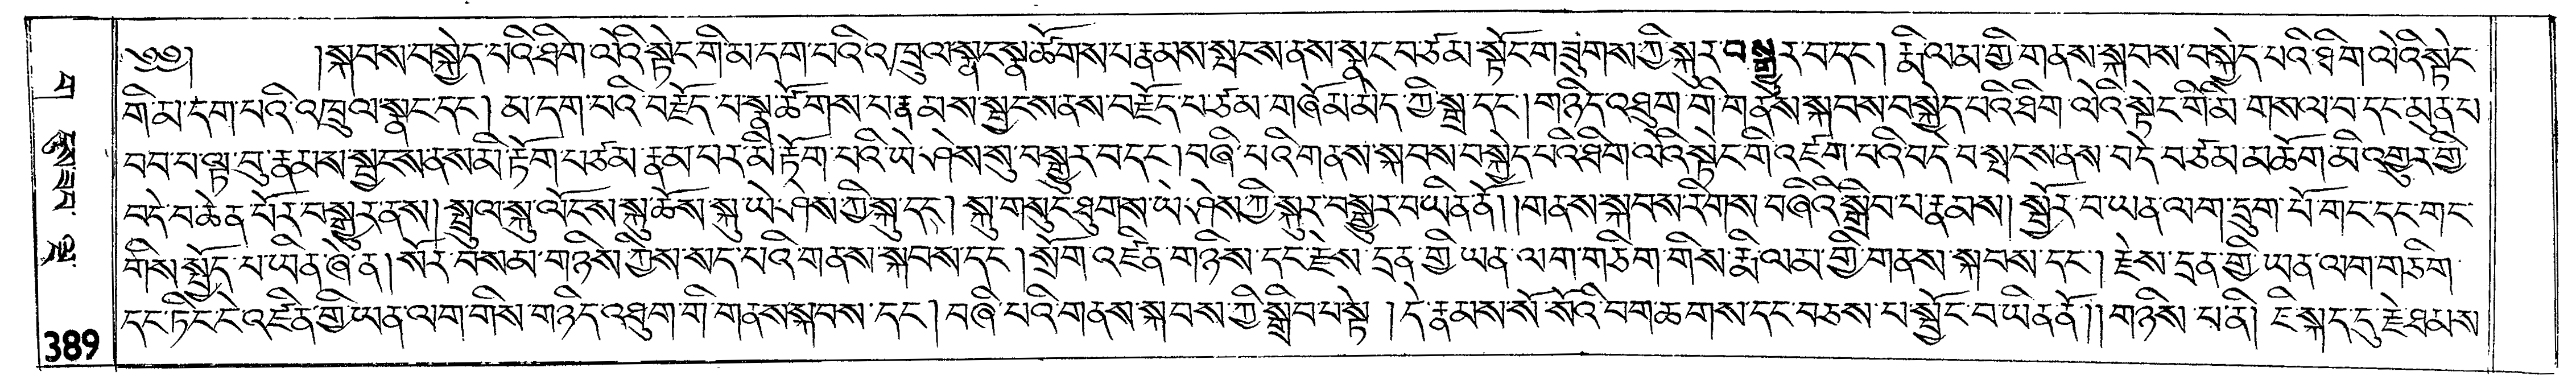༄༅། །སྐབས་བསྐྱེད་པའི་ཐིག་ལེའི་སྟེང་གི་མ་དག་པའི་འཁྲུལ་སྣང་སྣ་ཚོགས་པ་རྣམས་སྤངས་ནས་སྣང་བ་ཙམ་སྟོང་གཟུགས་ཀྱི་སྐུར་བསྒྱུར་བ་དང་། རྨི་ལམ་གྱི་གནས་སྐབས་བསྐྱེད་པའི་ཐིག་ལེའི་སྟེང་
གི་མ་དག་པའི་འཁྲུལ་སྣང་དང་། མ་དག་པའི་བརྗོད་པ་སྣ་ཚོགས་པ་རྣམས་སྦྱངས་ནས་བརྗོད་པ་ཙམ་གཞོམ་མེད་ཀྱི་སྒྲ་དང་། གཉིད་འཐུག་གི་གནས་སྐབས་བསྐྱེད་པའི་ཐིག་ལེའི་སྟེང་གི་མི་གསལ་བ་དང་མུན་པ་
བབ་པ་ལྟ་བུ་རྣམས་སྦྱངས་ནས་མི་རྟོག་པ་ཙམ་རྣམ་པར་མི་རྟོག་པའི་ཡེ་ཤེས་སུ་བསྒྱུར་བ་དང་། བཞི་པའི་གནས་སྐབས་བསྐྱེད་པའི་ཐིག་ལེའི་སྟེང་གི་འཛག་པའི་བདེ་བ་སྤངས་ནས་བདེ་བ་ཙམ་མཆོག་མི་འགྱུར་གྱི་
བདེ་བ་ཆེན་པོར་བསྒྱུར་ནས། སྤྲུལ་སྐུ་ལོངས་སྐུ་ཆོས་སྐུ་ཡེ་ཤེས་ཀྱི་སྐུ་དང་། སྐུ་གསུང་ཐུགས་ཡེ་ཤེས་ཀྱི་སྐུར་བསྒྱུར་བ་ཡིན་ནོ། །གནས་སྐབས་རིགས་བཞིའི་སྒྲིབ་པ་རྣམས། སྦྱོར་བ་ཡན་ལག་དྲུག་པོ་གང་དང་གང་
གིས་སྤྱོད་པ་ཡིན་ཞེ་ན། སོར་བསམ་གཉིས་ཀྱིས་སད་པའི་གནས་སྐབས་དང་། སྲོག་འཛིན་གཉིས་དང་རྗེས་དྲན་གྱི་ཡན་ལག་གཅིག་གིས་རྨི་ལམ་གྱི་གནས་སྐབས་དང་། རྗེས་དྲན་གྱི་ཡན་ལག་གཅིག་
དང་ཏིང་ངེ་འཛིན་གྱི་ཡན་ལག་གིས་གཉིད་འཐུག་གི་གནས་སྐབས་དང་། བཞི་པའི་གནས་སྐབས་ཀྱི་སྒྲིབ་པ་སྟེ། དེ་རྣམས་སོ་སོའི་བག་ཆགས་དང་བཅས་པ་སྦྱོང་བ་ཡིན་ནོ། །གཉིས་པ་ནི། ཇི་སྐད་དུ་རྗེ་ཐམས་